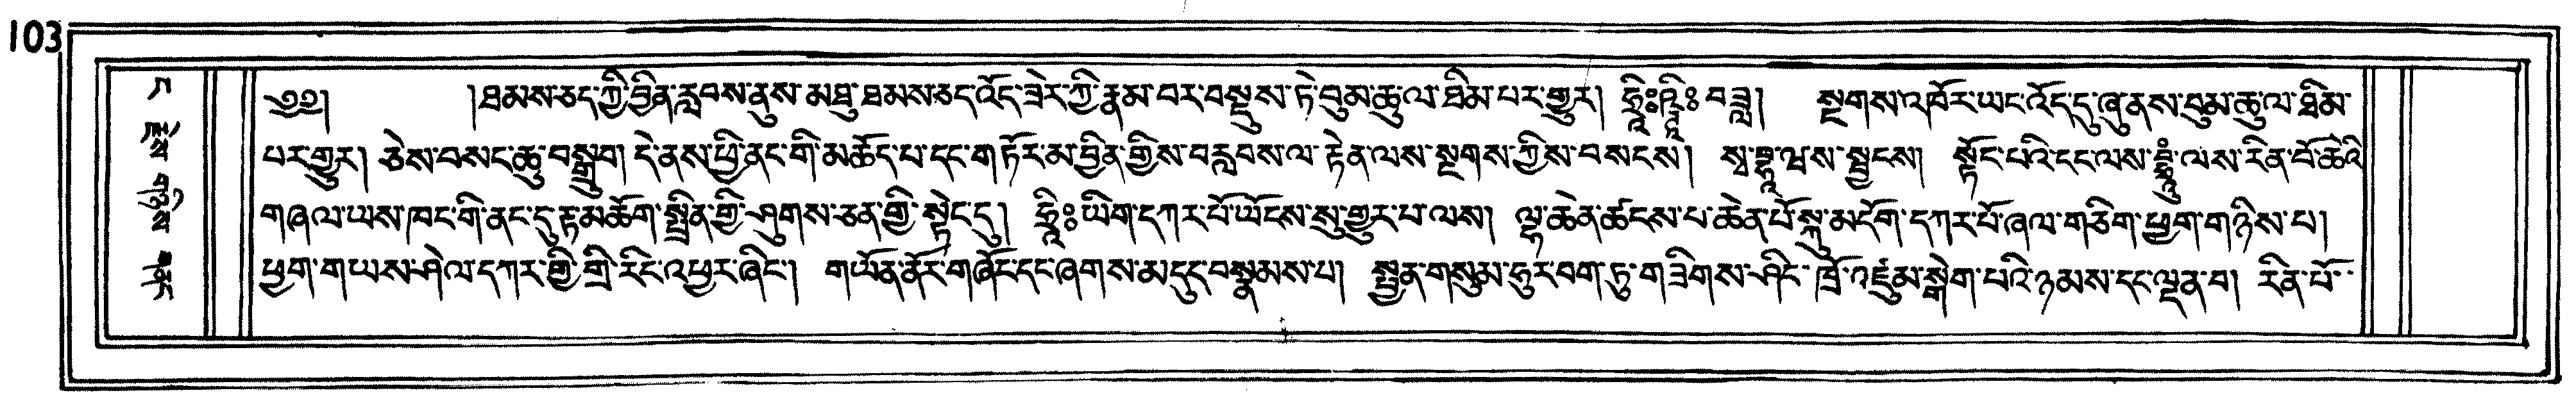༄༅། །ཐམས་ཅད་ཀྱི་བྱིན་རླབས་ནུས་མཐུ་ཐམས་ཅད་འོད་ཟེར་ཀྱི་རྣམ་བར་བསྡུས་ཏེ་བུམ་ཆུ་ལ་ཐིམ་པར་གྱུར། ཧྲཱིཿ ཥྚཱིཿ བཟླ། སྔགས་འཁོར་ཡང་འོད་དུ་ཞུ་ནས་བུམ་ཆུ་ལ་ཐིམ་
པར་གྱུར། ཅེས་བསང་ཆུ་བསྒྲུབ། དེ་ནས་ཕྱི་ནང་གི་མཆོད་པ་དང་གཏོར་མ་བྱིན་གྱིས་བརླབས་ལ་རྟེན་ལས་སྔགས་ཀྱིས་བསངས། སྭ་བྷཱ་ཝས་སྦྱངས། སྟོང་པའི་ངང་ལས་བྷྲཱུཾ་ལས་རིན་པོ་ཆེའི་
གཞལ་ཡས་ཁང་གི་ནང་དུ་རྟ་མཆོག་སྤྲིན་གྱི་ཤུགས་ཅན་གྱི་སྟེང་དུ། ཧྲཱིཿ ཡིག་དཀར་པོ་ཡོངས་སུ་གྱུར་པ་ལས། ལྷ་ཆེན་ཚངས་པ་ཆེན་པོ་སྐུ་མདོག་དཀར་པོ་ཞལ་གཅིག་ཕྱག་གཉིས་པ།
ཕྱག་གཡས་ཤེལ་དཀར་གྱི་གྲི་རིང་འཕྱར་ཞིང་། གཡོན་ནོར་གཞོང་དང་ཞགས་མདུད་བསྣམས་པ། སྤྱན་གསུམ་ཧུར་བག་ཏུ་གཟིགས་ཤིང་ཁྲོ་འཛུམ་སྒེག་པའི་ཉམས་དང་ལྡན་བ། རིན་པོ་